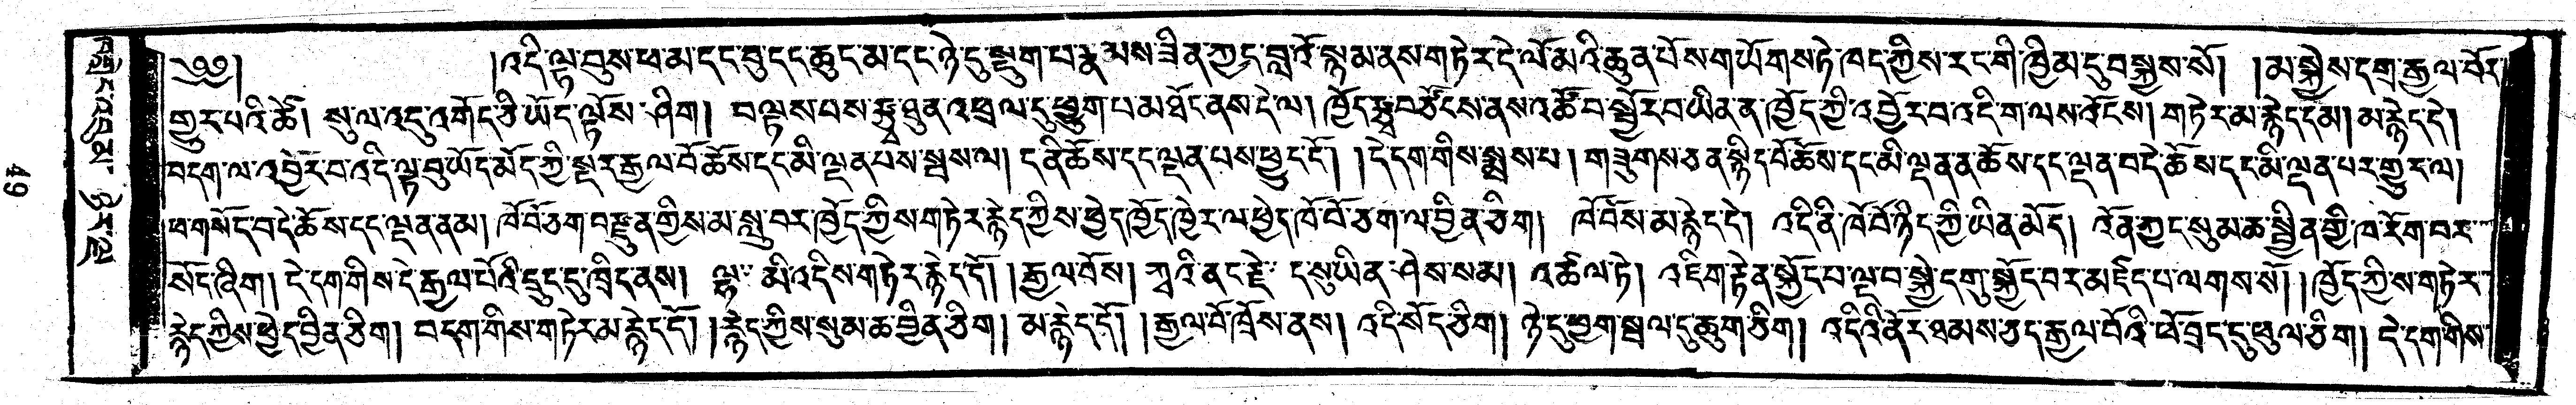༄༅། །འདི་ལྟ་བུས་ཕ་མ་དང་བུ་དང་ཆུང་མ་དང་ཉེ་དུ་སྡུག་པ་རྣམས་ཟིན་ཀྱང་བླའོ་སྙམ་ནས་གཏེར་དེ་ལོ་མའི་ཆུན་པོས་གཡོགས་ཏེ་ཁང་ཀྱིས་རང་གི་ཁྱིམ་དུ་བསྐྱས་སོ། །མ་སྐྱེས་དགྲ་རྒྱལ་བོར་
གྱུར་པའི་ཚེ། སུ་ལ་འདུ་འགོད་ཅི་ཡོད་ལྟོས་ཤིག། བལྟས་པས་རྩྭ་ཐུན་འཕྲལ་དུ་ཕྱུག་པ་མཐོང་ནས་དེ་ལ། ཁྱོད་རྩྭ་བཙོངས་ནས་འཚོ་བ་སྦྱོར་བ་ཡིན་ན་ཁྱོད་ཀྱི་འབྱོར་བ་འདི་ག་ལས་འོངས། གཏེར་མ་རྙེད་དམ། མ་རྙེད་དེ།
བདག་ལ་འབྱོར་བ་འདི་ལྟ་བུ་ཡོད་མོད་ཀྱི་སྔར་རྒྱལ་བོ་ཆོས་དང་མི་ལྡན་པས་སྦས་ལ། ད་ནི་ཆོས་དང་ལྡན་པས་ཕྱུང་ངོ། །དེ་དག་གིས་སྨྲས་པ། གཟུགས་ཅན་སྙིད་བོ་ཆོས་དང་མི་ལྡན་ན་ཆོས་དང་ལྡན་བདེ་ཆོས་དང་མི་ལྡན་པར་གྱུར་ལ།
ཕ་གསོད་བ་དེ་ཆོས་དང་ལྡན་ནམ། ཁོ་བོ་ཅག་བརྫུན་གྱིས་མ་སླུ་བར་ཁྱོད་ཀྱིས་གཏེར་རྙེད་ཀྱིས་ཕྱེད་ཁྱོད་ཁྱེར་ལ་ཕྱེད་ཁོ་བོ་ཅག་ལ་བྱིན་ཅིག། ཁོ་བོས་མ་རྙེད་དེ། འདི་ནི་ཁོ་བོ་ཉིད་ཀྱི་ཡིན་མོད། འོན་ཀྱང་སུམ་ཆ་སྦྱིན་གྱི་ཁ་རོག་བར་
སོང་ཞིག། དེ་དག་གིས་དེ་རྒྱལ་པོའི་དྲུང་དུ་ཁྲིད་ནས། ལྷ༑ མི་འདིས་གཏེར་རྙེད་དོ། །རྒྱལ་བོས། ཀྭའི་ནང་རྗེ༑ ད་སུ་ཡིན་ཤེས་སམ། འཚལ་ཏེ། འཇིག་རྟེན་སྐྱོད་པ་ལྔ་བ་སྐྱེ་དགུ་སྐྱོང་བར་མཛད་པ་ལགས་སོ། །ཁྱོད་ཀྱི་ས་གཏེར་
རྙེད་ཀྱིས་ཕྱེད་བྱིན་ཅིག། བདག་གིས་གཏེར་མ་རྙེད་དོ། །རྙེད་ཀྱིས་སུམ་ཆ་བྱིན་ཅིག། མ་རྙེད་དོ། །རྒྱལ་བོ་ཁྲོས་ནས། འདི་སོད་ཅིག། ཉེ་དུ་ཕྱག་སྦལ་དུ་ཆུག་ཅིག། འདིའི་ནོར་ཐམས་ཅད་རྒྱལ་བོའི་ཕོ་བྲང་དུ་ཕུལ་ཅིག། དེ་དག་གིས་